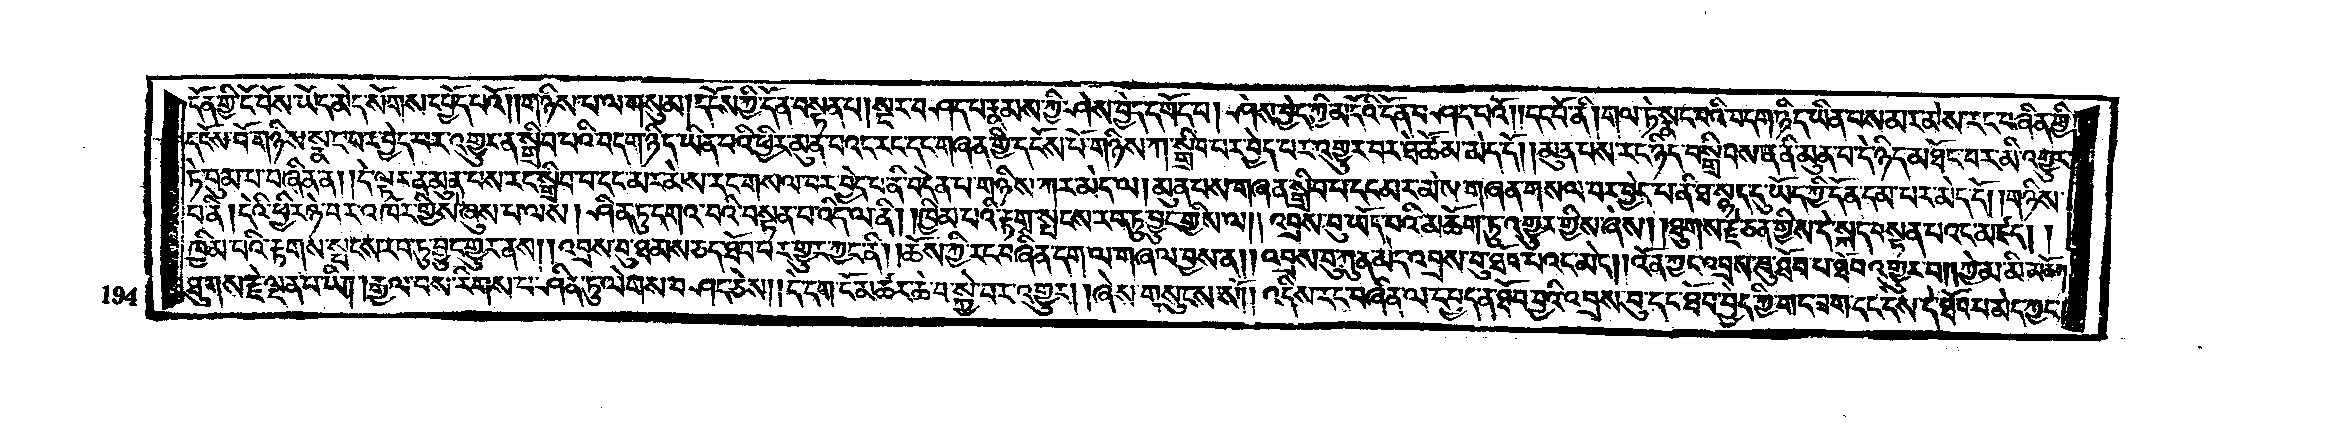དོན་གྱི་ངོ་བོས་ཡོད་མེད་སོགས་དཔྱོད་པའོ། །གཉིས་པ་ལ་གསུམ། དངོས་ཀྱི་དོན་བསྟན་པ། སྔར་བཤད་པ་རྣམས་ཀྱི་ཤེས་བྱེད་དགོད་པ། ཤེས་བྱེད་ཀྱི་མདོའི་དོན་བཤད་པའོ། །དང་པོ་ནི། གལ་ཏེ་སྣང་པའི་བདག་ཉིད་ཡིན་པས་མར་མེས་རང་བཞིན་གྱི་
དངོས་པོ་གཉིས་སྣང་པར་བྱེད་པར་འགྱུར་ན་སྒྲིབ་པའི་བདག་ཉིད་ཡིན་པའི་ཕྱིར་མུན་པའང་རང་དང་གཞན་གྱི་དངོས་པོ་གཉིས་ཀ་སྒྲིབ་པར་བྱེད་པར་འགྱུར་བར་ཐེ་ཚོམ་མེད་དོ། །མུན་པས་རང་ཉིད་བསྒྲིབས་ན་ནི་མུན་པ་དེ་ཉིད་མཐོང་པར་མི་འགྱུར་
ཏེ་བུམ་པ་བཞིན་ནོ། །དེ་ལྟར་ན་མུན་པས་རང་སྒྲིབ་པ་དང་མར་མེས་རང་གསལ་བར་བྱེད་པ་ནི་བདེན་པ་གཉིས་ཀར་མེད་པ་ལ། མུན་པས་གཞན་སྒྲིབ་པ་དང་མར་མེས་གཞན་གསལ་བར་བྱེད་པ་ནི་ཐ་སྙད་དུ་ཡོད་ཀྱི་དོན་དམ་པར་མེད་དོ། །གཉིས་
པ་ནི་༑དེའི་ཕྱིར་ཉེ་བར་འཁོར་གྱིས་ཞུས་པ་ལས། ཤིན་ཏུ་དགའ་བའི་བསྟན་པ་འདི་ལ་ནི། །ཁྱིམ་པའི་རྟགས་སྤངས་རབ་ཏུ་བྱུང་གྱིས་ལ། །འབྲས་བུ་ཡོད་པའི་མཆོག་ཏུ་འགྱུར་གྱིས་ཞེས། །ཐུགས་རྗེ་ཅན་གྱིས་དེ་སྐད་བསྟན་པའང་མཛད། །
ཁྱིམ་པའི་རྟགས་སྤངས་རབ་ཏུ་བྱུང་གྱུར་ནས། །འབྲས་བུ་ཐམས་ཅད་ཐོབ་པར་གྱུར་ཀྱང་ནི། །ཆོས་ཀྱི་རང་བཞིན་དག་ལ་གཞལ་བྱས་ན། །འབྲས་བུ་ཀུན་མེད་འབྲས་བུ་ཐོབ་པའང་མེད། །འོན་ཀྱང་འབྲས་བུ་ཐོབ་པ་ཐོབ་འགྱུར་བ། །ཀྱེ་མ་མི་མཆོག་
ཐུགས་རྗེ་ལྡན་པ་ཡི། །རྒྱལ་པས་རིགས་པ་ཤིན་ཏུ་ལེགས་བཤད་ཅེས། །དེ་དག་ངོ་མཚར་ཆེ་བ་སྐྱེ་བར་འགྱུར། །ཞེས་གསུངས་སོ། །འདིས་རང་བཞིན་ལ་དཔྱད་ན་ཐོབ་བྱའི་འབྲས་བུ་དང་ཐོབ་བྱེད་ཀྱི་གང་ཟག་དང་དེས་དེ་ཐོབ་པ་མེད་ཀྱང་